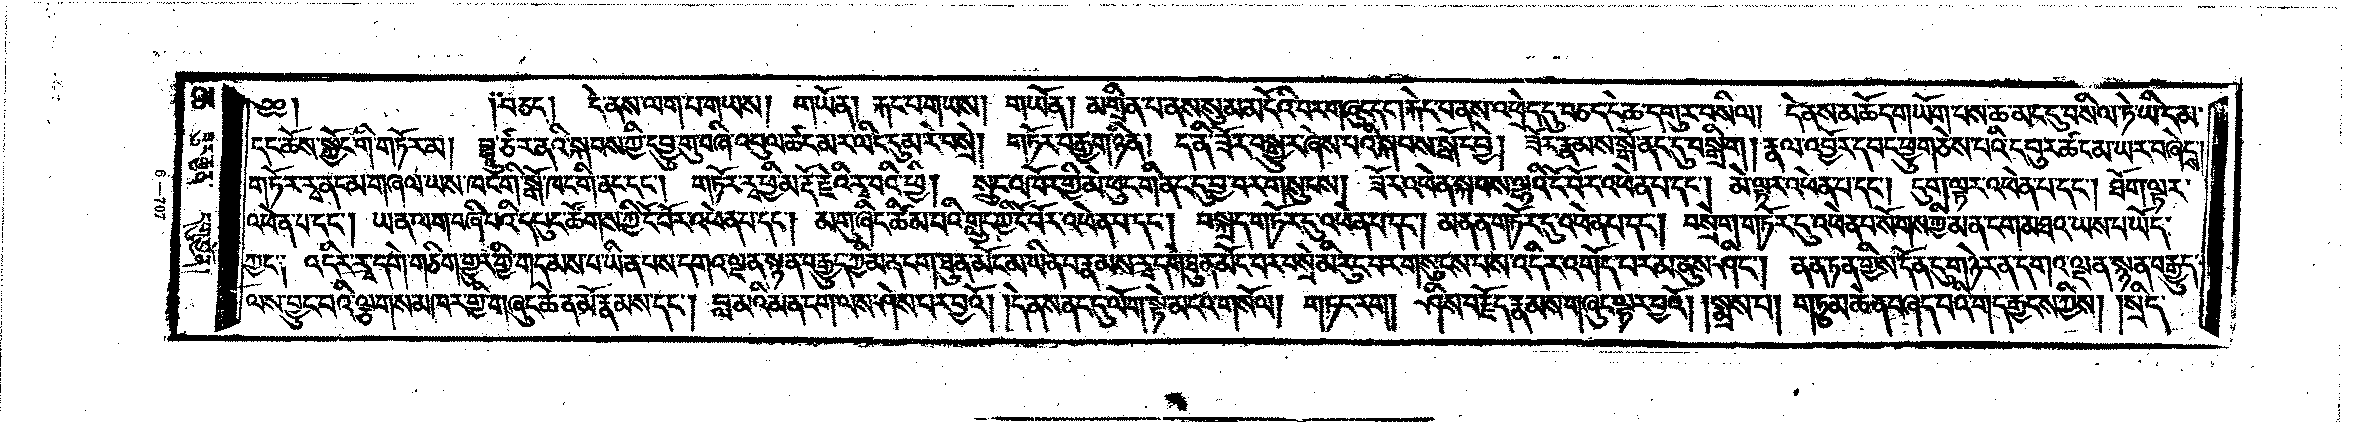༄༅། །བཅད། དེ་ནས་ལག་པ་གཡས། གཡོན། རྐང་པ་གཡས། གཡོན། མགྲིན་པ་ནས་སུམ་མདོའི་བར་གཞན་དང་། རྐེང་པ་ནས་འཕྲེད་དུ་བཅད་དེ་ཆ་དགུར་བསིལ། དེ་ནས་མཆོད་གཡོག་བས་ཆ་མང་དུ་བསིལ་ཏེ་ཡི་དམ་
དང་ཆོས་སྐྱོང་གི་གཏོར་མ། བྷཱུ་ཙར་ནའི་སྐབས་ཀྱི་དབྱུ་གུ་བཞི་འབུལ་ཚང་མར་ཡིང་དུམ་རེ་བསྲེ། གཏོར་བརྒྱག་ཉིན། ད་ནི་ཟོར་བསྒྱུར་ཞེ་པའི་སྐབས་སྒོ་དབྱེ། ཟོར་རྣམས་སྒོ་ནང་དུ་བསྒྲིབ། རྣལ་འབྱོར་དབང་ཕྱུག་ཅེས་པའི་དབུར་ཚང་མ་ཡར་བཞེངས་
གཏོར་རྭ་ནང་མ་གཞལ་ཡས་ཁང་གི་སྒོ་ཁང་གི་ནང་དང་། གཏོར་རྭ་ཕྱི་མ་རྡོ་རྗེའི་རྭ་བའི་ཕྱི། སྲུང་འཁོར་གྱི་མེ་ཕུང་གི་ནང་དུ་བྱ་བར་གསུངས། ཟོར་འཕེན་སྐབས་ལྷའི་ངོ་བོར་འཕེན་པ་དང་། མེ་ལྟར་འཕེན་པ་དང་། དུག་ལྟར་འཕེན་པ་དང་། ཐོག་ལྟར་
འཕེན་པ་དང་། ཡན་ལག་བཞི་པའི་དཔུང་ཚོགས་ཀྱི་ངོ་བོར་འཕེན་པ་དང་། མགུ་ཞིང་ཚིམ་པའི་གླུད་ཀྱི་ངོ་བོར་འཕེན་པ་དང་། བསྐྲད་གཏོར་དུ་འཕེན་པ་དང་། མནན་གཏོར་དུ་འཕེན་པ་དང་། བསྲེག་གཏོར་དུ་འཕེན་བ་སོགས་ཀྱི་མན་ངག་མཐའ་ཡས་པ་ཡོད་
ཀྱང༑ འདིར་རྭ་དགེ་གཅིག་གྱུར་གྱི་གདམས་པ་ཡིན་པས་དགའ་ལྡན་སྙན་བརྒྱུད་ཀྱི་མན་ངག་ཐུན་མོང་མ་ཡིན་པ་རྣམས་རྭ་དགེ་ཐུན་མོང་བར་བསྲེ་མི་རུང་བར་གསུང་པས་འདིར་འགོད་པར་མ་ནུས་ཤིང་། ནན་ཏན་གྱིས་དོན་དུ་གཉེར་ན་དགའ་ལྡན་སྙན་བརྒྱུད་
ལས་བྱུང་པའི་ལྕགས་མཁར་གྱི་གཞུང་ཆེ་ན་མོ་རྣམས་དང་། བླ་མའི་མན་ངག་ལས་ཤེས་པར་བྱའོ། །དེ་ནས་ནང་དུ་ལོག་སྟེ་མངའ་གསོལ། གཏང་རག། ཤིས་བརྗོད་རྣམས་གཞུང་ལྟར་བྱའོ། །སྨྲས་པ། གཏུམ་ཆེན་གཞད་པའི་གད་རྒྱངས་ཀྱིས། །སྲིད་